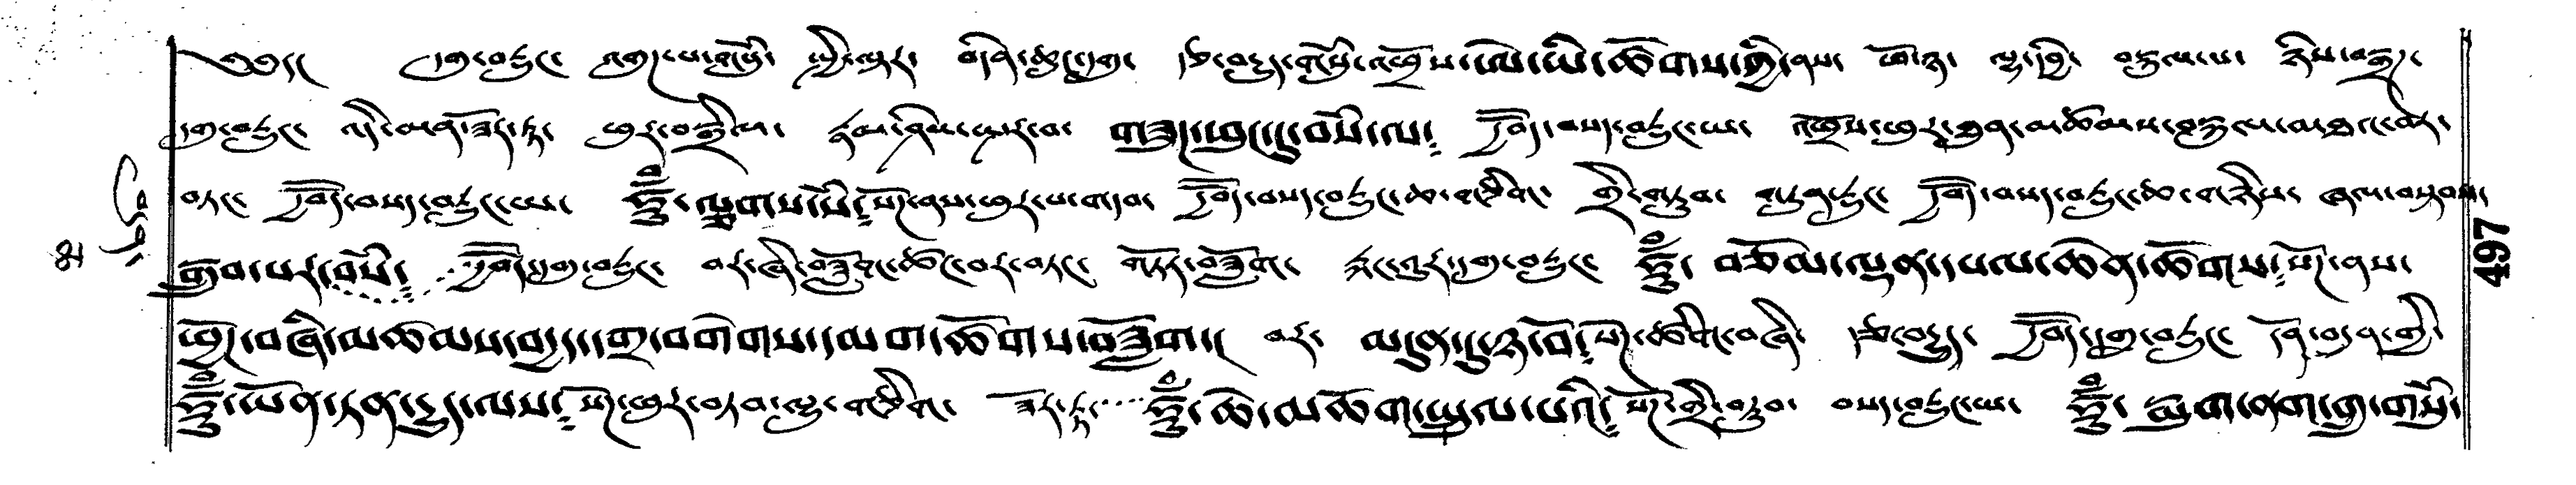( དགུ་བརྡུང་། ) འགུགས་པ་གསུམ་སྤྱི་ལྟར། བདེན་ཆུང་དགུ རྩ་བརྒྱུད་གསུམ་འཕྲོས། ཨེ་ཡི་ཚོགས་ཀྱི༴ ནས། ཕོ་ཉ། ལྷ་དབྱེ། བསྐུལ་པ། ཉེས་བསྒྲགས་ 
( དགུ་བརྡུང་། འདི་མན་ཟོར་རྟ། ) ཕུར་བསྒྲིལ། རྣམ་ཤེས་སྤར་བ། གཟུགས་ཕུང་དུ་བསམ༴ ( ལ་རྒྱོབ་སོད་བསད་བརྡུང་ཡ།) འཕྲོས་ཕུར་ཐུན་མཚམས་བསྐུལ་མཐའ་བར་
བཏང་། ( རྒྱོབ་སོད་བསད་བརྡུང་ཡ། ) ཧཱུྃ༔ལྕགས་སམ༴ སོགས་ནས། ཕུར་པ་གདབ། ( རྒྱོབ་སོད་བསད་བརྡུང་ཆ་གཅིག ) གྲིས་གཏུབ། གཏུན་རྡུང་། ( རྒྱོབ་སོད་བསད་བརྡུང་ཆ་གཉིས། ) ཞལ་བསྟབ། 
སྒྲུབ་པར་བསམ༴ བར། ཞི་བཟློག་ཚང་བར་བཏང་། གཏོར་བཟློག ( རྐང་འུར་དགུ་བརྡུང་། ) ཧཱུྃ༔ བཅོམ་ལྡན་དཔལ་ཆེན་ཚོགས༴ སོགས་ནས། 
ཕྱོགས་བཞི་མཚམས་བརྒྱད་དགྲ་བགེགས་དམག་ཚོགས་བཟློག༔ བར། མདུན་དུ་ཉ་བོ༴ སོགས་ཚིག་བཞི། རྩ་བརྒྱུད། ( རྒྱོབ་སོད་དགུ་བརྡུང་། ) དོན་བདུན་གྱི་
ཧཱུྃ༔ཡོན་ཏན་རྒྱུད་ལས༴ སོགས་ཕུར་བཏབ་ལྷུ་གཅིག ཟོར་རྟས། ཧཱུྃ༔ཆེ་མཆོག་སྤྲུལ་པའི༴ སོགས་གྲིས་བཏུབ། ( བསད་བརྡུང་ཡ། ) ཧཱུྃ༔སྨུག་ནག་གྲུ་གསུམ༴